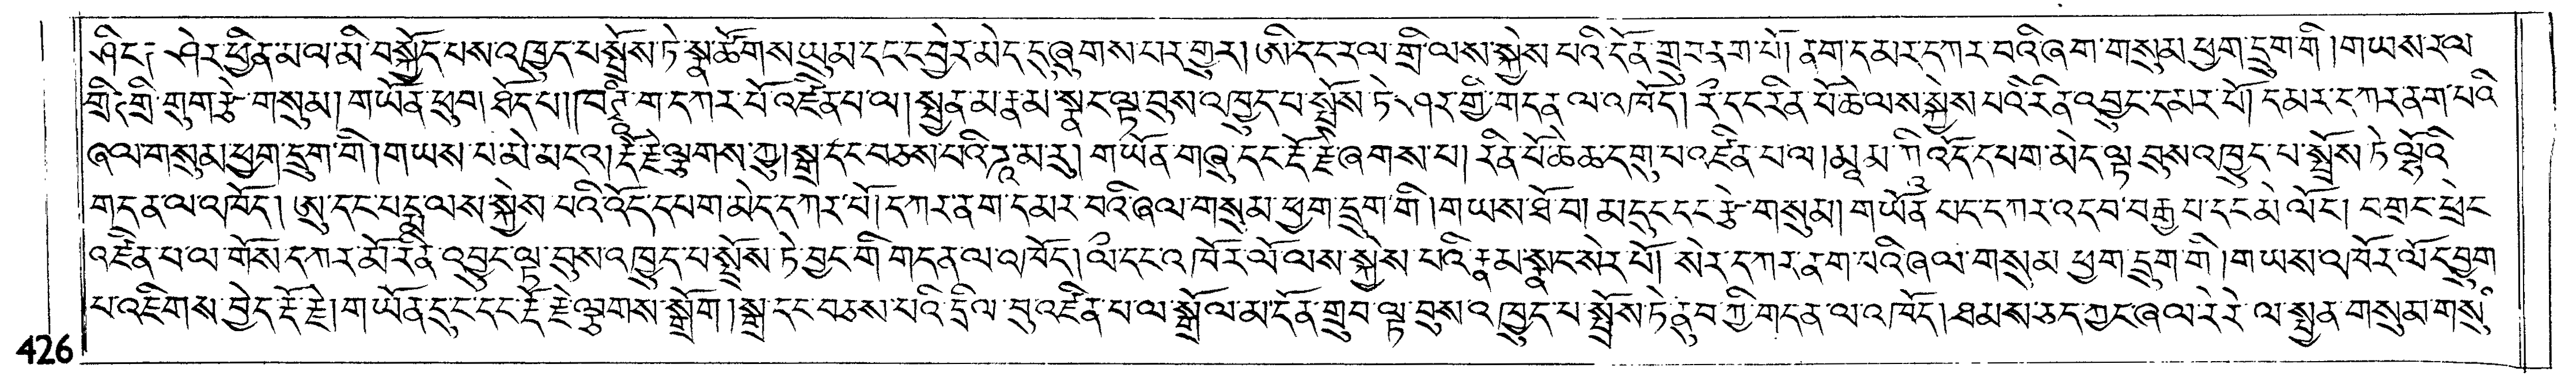ཤིང༑ ཤེར་ཕྱིན་མ་ལ་མི་བསྐྱོད་པས་འཁྱུད་པ་སྤྲོས་ཏེ་སྣ་ཚོགས་ཡུམ་དང་དབྱེར་མེད་དུ་ཞུགས་པར་གྱུར། ཨི་དང་རལ་གྲི་ལས་སྐྱེས་པའི་དོན་གྲུབ་ནག་པོ། ནག་དམར་དཀར་བའི་ཞག་གསུམ་ཕྱག་དྲུག་གི །གཡས་རལ་
གྲི༑ གྲི་གུག་རྩེ་གསུམ། གཡོན་ཕུབ། ཐོད་པ། ཁཊྭཱཾ་ག་དཀར་པོ་འཛིན་པ་ལ། སྤྱན་མ་རྣམ་སྣང་ལྟ་བུས་འཁྱུད་པ་སྤྲོས་ཏེ་ཤར་གྱི་གདན་ལ་འཁོད། རྀ་དང་རིན་པོ་ཆེ་ལས་སྐྱེས་པའི་རིན་འབྱུང་དམར་པོ། དམར་དཀར་ནག་པའི་
ཞལ་གསུམ་ཕྱག་དྲུག་གི །གཡས་པ་མེ་མདའ། རྡོ་རྗེ་ལྕགས་ཀྱུ། སྒྲ་དང་བཅས་པའི་ཌཱ་མ་རུ། གཡོན་གཞུ་དང་རྡོ་རྗེ་ཞགས་པ། རིན་པོ་ཆེ་ཆ་དགུ་པ་འཛིན་པ་ལ། མཱ་མ་ཀཱི་འོད་དཔག་མེད་ལྟ་བུས་འཁྱུད་པ་སྤྲོས་ཏེ་ལྷོའི་
གདན་ལ་འཁོད། ཨུ་དང་པདམ་ལས་སྐྱེས་པའི་འོད་དཔག་མེད་དཀར་པོ། དཀར་ནག་དམར་བའི་ཞལ་གསུམ་ཕྱག་དྲུག་གི །གཡས་ཐོ་བ། མདུང་དང་རྩེ་གསུམ། གཡོན་པད་དཀར་འདབ་བརྒྱ་པ་དང་མེ་ལོང་། བགྲང་ཕྲེང་
འཛིན་པ་ལ་གོས་དཀར་མོ་རིན་འབྱུང་ལྟ་བུས་འཁྱུད་པ་སྤྲོས་ཏེ་བྱང་གི་གདན་ལ་འཁོད། ལྀ་དང་འཁོར་ལོ་ལས་སྐྱེས་པའི་རྣམ་སྣང་སེར་པོ། སེར་དཀར་ནག་པའི་ཞལ་གསུམ་ཕྱག་དྲུག་གི ། གཡས་འཁོར་ལོ་དབྱུག་
པ་འཇིགས་བྱེད་རྡོ་རྗེ། གཡོན་དུ་ང་དང་རྡོ་རྗེ་ལྕགས་སྒྲོག །སྒྲ་དང་བཅས་པའི་དྲིལ་བུ་འཛིན་པ་ལ་སྒྲོལ་མ་དོན་གྲུབ་ལྟ་བུས་འཁྱུད་པ་སྤྲོས་ཏེ་ནུབ་ཀྱི་གདན་ལ་འཁོད། ཐམས་ཅད་ཀྱང་ཞལ་རེ་རེ་ལ་སྤྱན་གསུམ་གསུཾ་